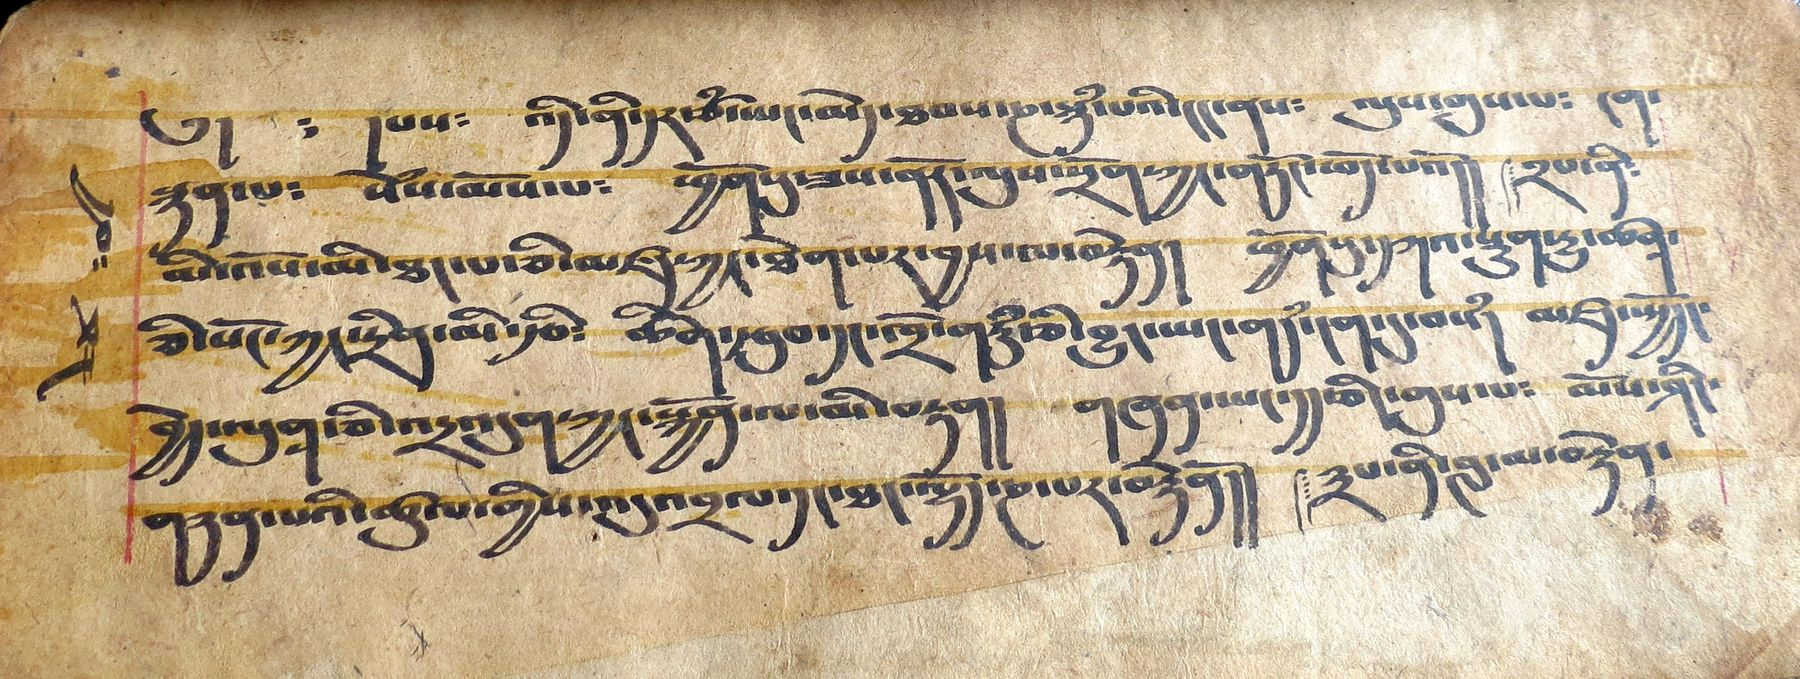པས་འདི་ནི་དར་ཙམ་ཡང་མེད་ཐབས་མེད་སྙམ་པའི་ངང་ནས། ལུས་གུས་པ། ངག་
སྙན་པ། སེམས་མོས་པས། ཟས་ནོར་ལུས་སྲོག་ཀྱང་གཏོང་ཕོད་པའོ། ། གཉིས་པ་༼བསྟེན་ཤེས་པ༽ནི། 
མི་འོས་པ། མི་ཐང་བ་ཅི་མཛད་ཀྱང་ཐེག་པར་བྱས་ལ་བསྟེན། ཕྱོགས་སུ་དཀའ་སྡུག་རྒྱུ་མཚན་
ཅི་སོང་ཡང་། དྲིན་མི་རྩི། ཚིག་རྩུབ་དང་ཁྲོ་གཏུམ་ཅི་བྱུང་ཡང་གདམས་ངག་ཏུ་བསམ། མཛད་སྤྱོད་
་བྱེད་ལུགས་ཅི་འདྲ་འདུག་ཀྱང་སྐྱོན་ལ་མི་བརྟག གཞན་ཡང་དད་ཅིང་གུས་པ། མོས་ཤིང་
གཉན་པའི་ཚུལ་གྱིས་འདུ་འབྲལ་དང་ཐང་ལྷོད་མེད་པར་བསྟེན་ནོ། ། གསུམ་པ་༼བསྟེན་ཡུན་རིང་བ༽ནི་བླ་མའི་བསྟེན་